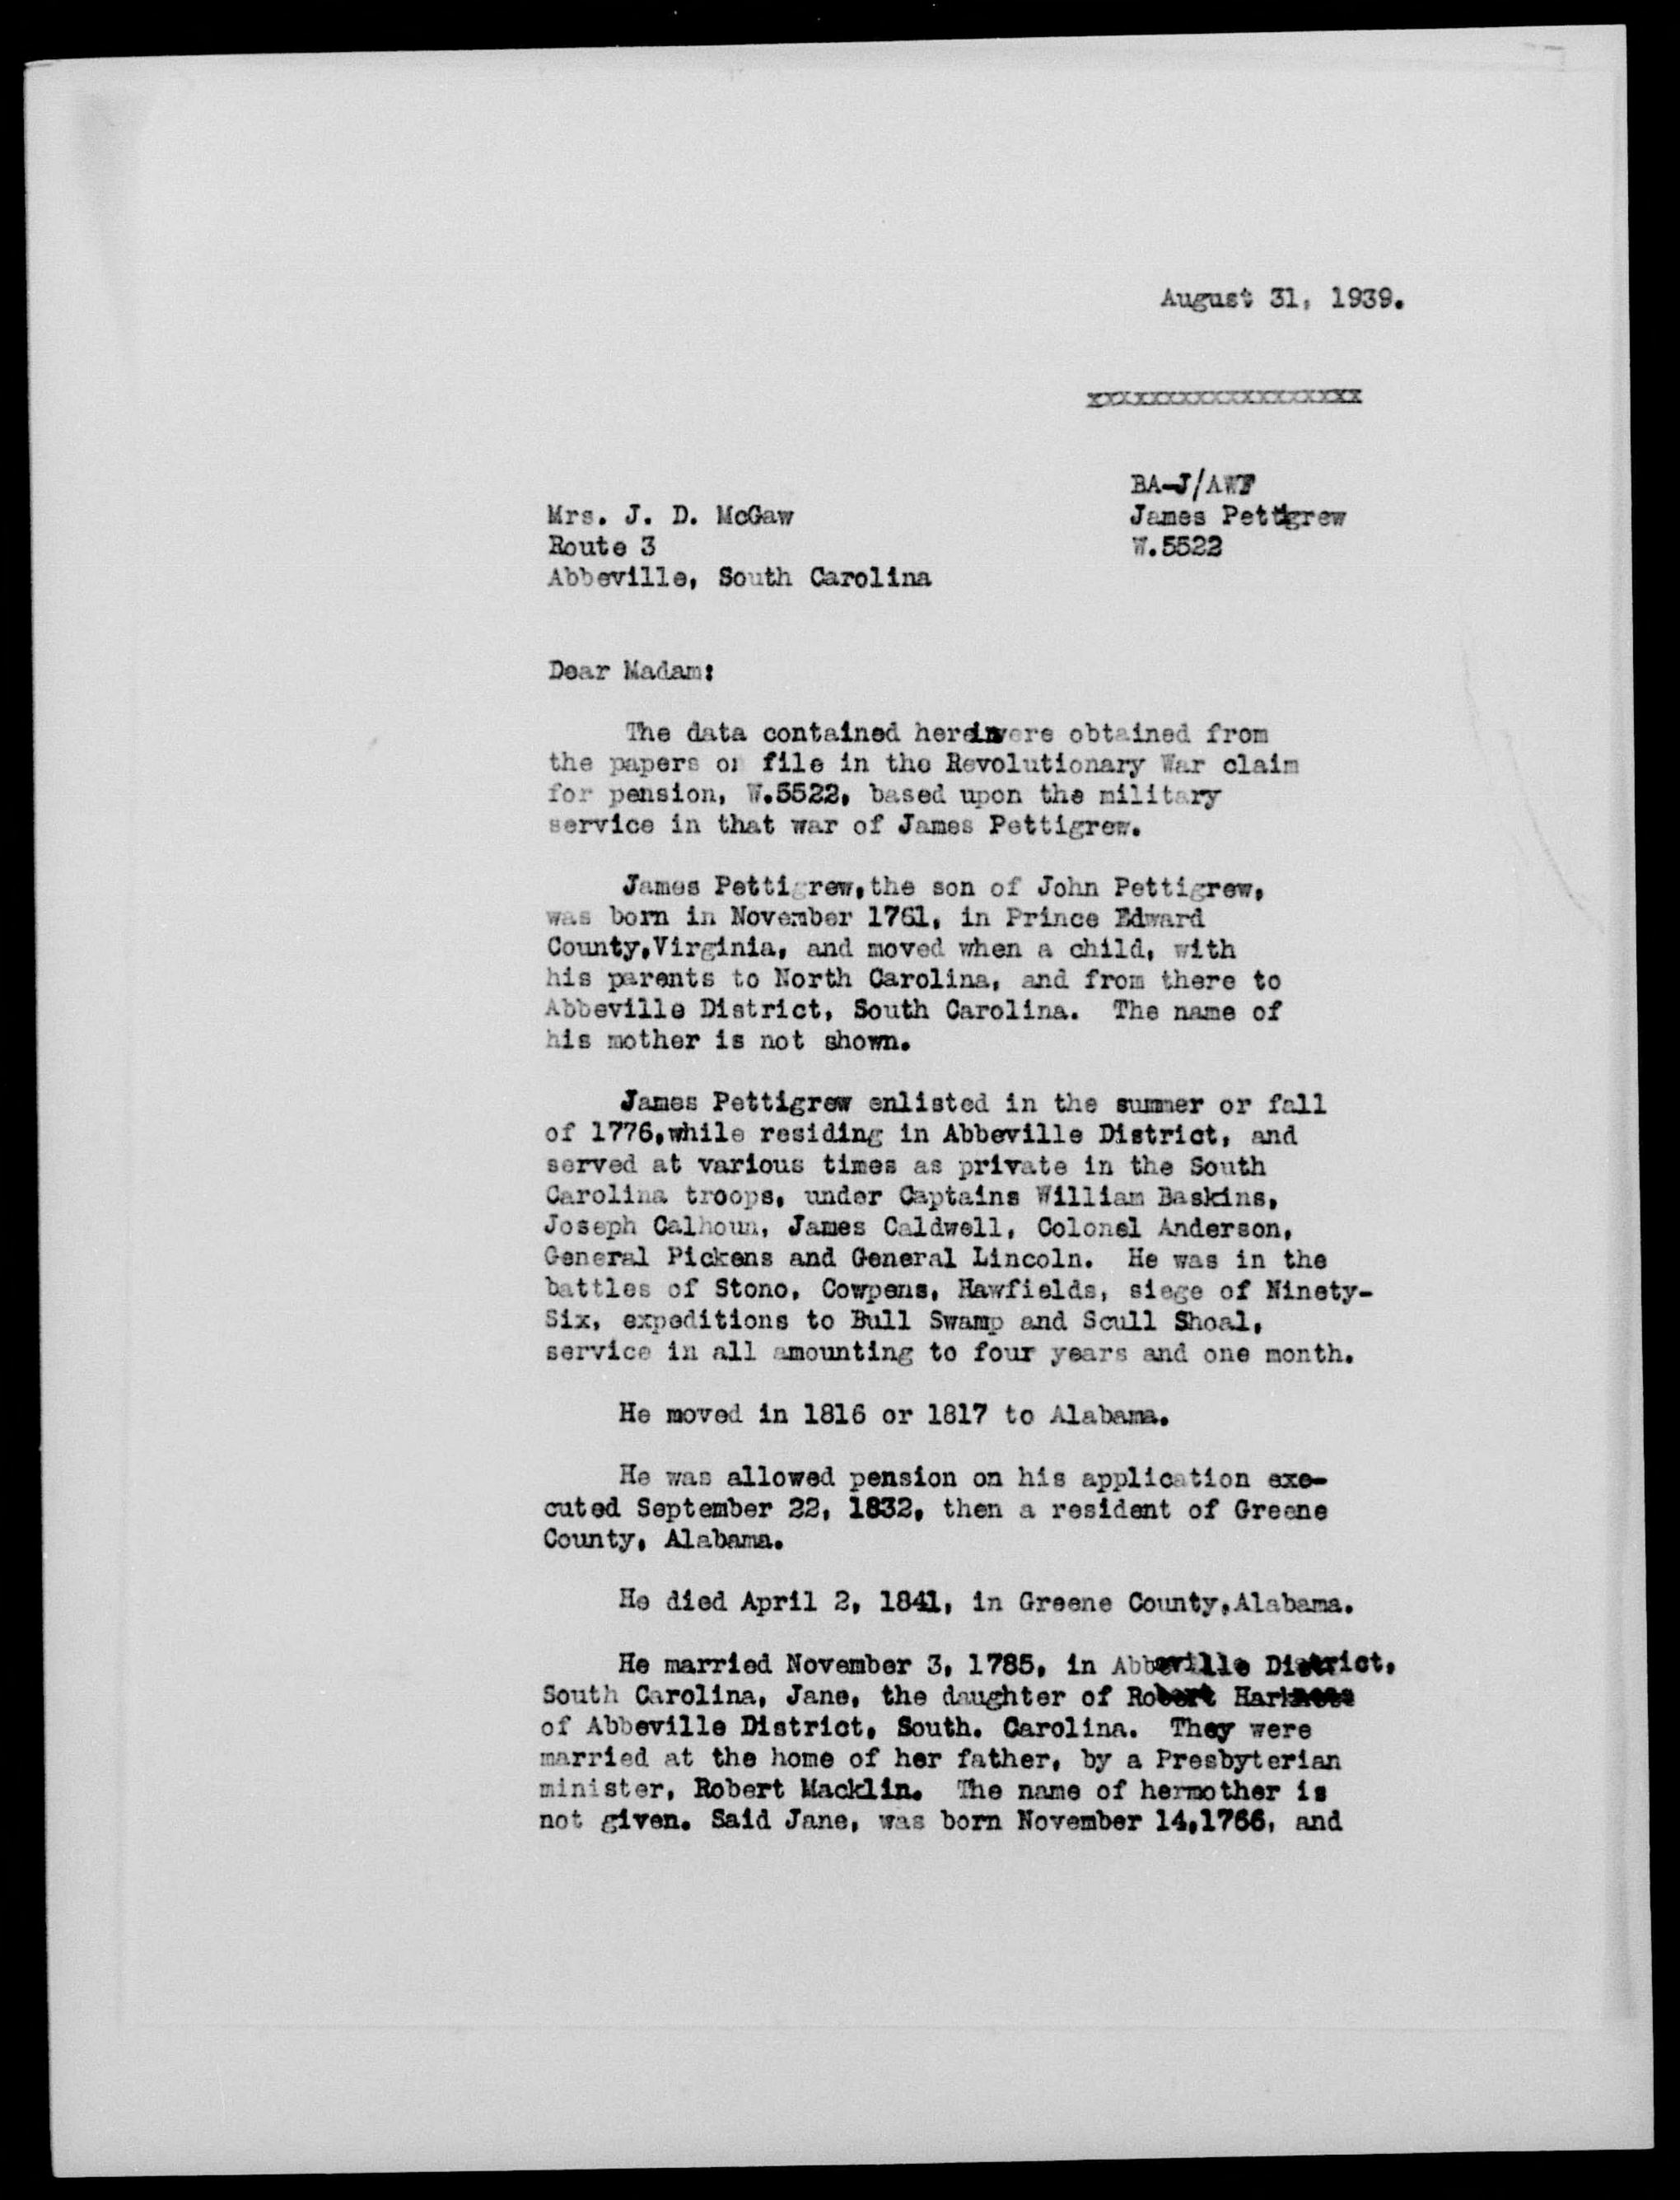August 31, 1939

xxxxxxxxxxxxxxxxxxxx

BA_J/AWF
James Pettigrew
W.5522

Mrs. J. D. McGaw
Route 3
Abbeville, South Carolina

Dear Madam:
The data contained here were obtained from the papers on file in the Revolutionary War claim for pension, W.5522, based upon the military service in that war of James Pettigrew.

James Pettigrew, the son of John Pettigrew, was born in November 1761, in Prince Edward County, Virginia, and moved when a child, with his parents to North Carolina, and from there to Abbeville District, South Carolina. The name of his mother is not shown.

James Pettigrew enlisted in the summer or fall of 1776, while residing in Abbeville District, and served at various times as private in the South Carolina troops, under Captains William Baskins, Joseph  Calhoun, James Caldwell, Colonel Anderson, General Pickens and General Lincoln. He was in the battles of Stono, Cowpens, Hawfields, siege of Ninety-Six, expeditions to Bull Swamp and Scull Shoal, service in all amounting to four years and one month.

He moved in 1816, or 1817 to Alabama.

He was allowed pension on his application executed September 22, 1832, then a resident of Greene County, Alabama.

He died April 2, 1841, in Greene County, Alabama.

He married November 3m 1785, in Abbeville District, South Carolina, Jane, the daughter of Robert Harkness of Abbeville District, South. Carolina. They were married at the home of her father, by a Presbyterian minister, Robert Macklin. The name of her mother is not given. Said Jane, was born November 14, 1766, and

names: [BLANK] Lincoln; [BLANK] Anderson; William Baskins; Joseph Calhoun; Robert Harkness; John Pettigrew; J D Mc Gaw; James Pettigrew; Jane [BLANK]; Robert Macklin; [BLANK] Pickens; James Caldwell; Bull Swamp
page: 26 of 92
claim: widow's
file: W. 5522, for James Pettigrew, South Carolina